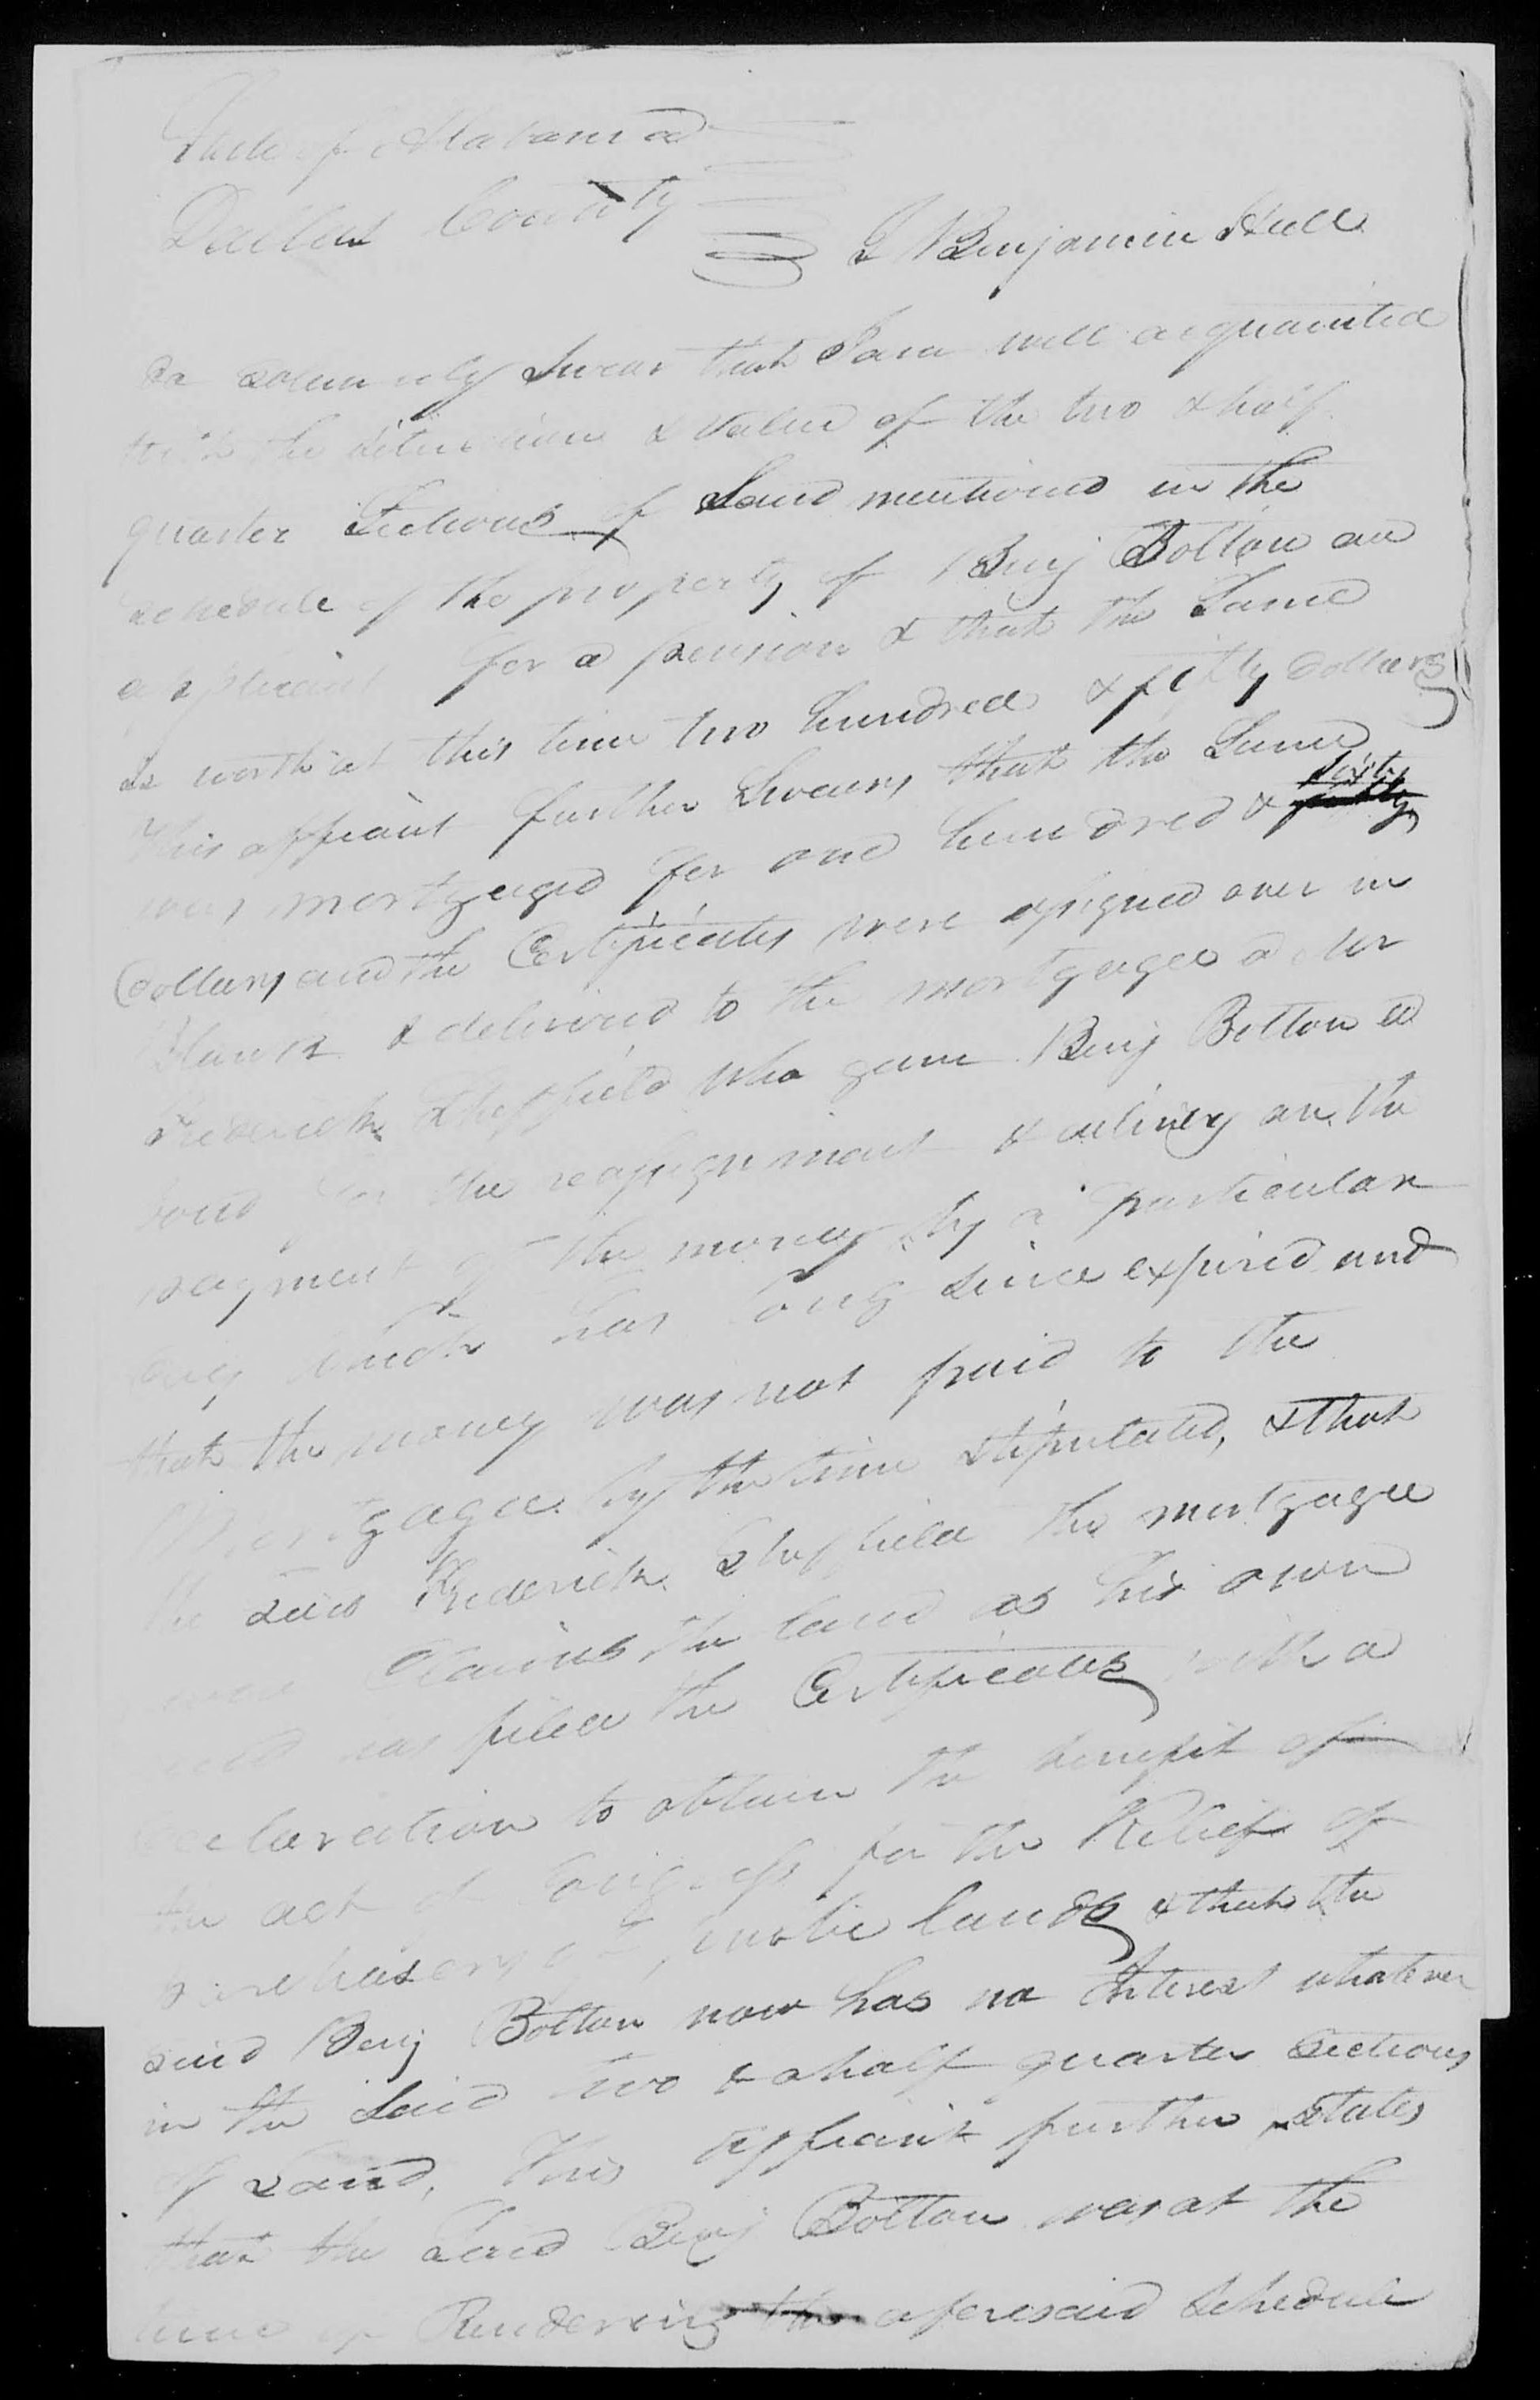State of Alabama }
Dallas County }
I Benjamin Hall do solemnly swear that I am well acquainted with the situation & value of the two & half quarter Sections of Land mentioned in the schedule of the property of Benj [Benjamin] Bolton and applicant for a pension & that the Land is worth at this time two hundred & fifty dollars. This affiant further Swears that the Land was mortgaged for one hundred & [crossed out: fifty] Sixty dollars and the Certificates were assigned over in Blank & delivered to the mortgagee a Mr Frederick Sheffield who gave Benj [Benjamin] Bolton a bond for the reassignment & delivery on the payment of the money by a particular day which has long since expired and that the money was not paid to the Mortgagee by the time stipulated, & that the said Frederick Sheffield the mortgagee [illegible] claims the land as his own and has filed the Certificates with a Declaration to obtain the benefit of the act of Congress for the Relief of purchasers of public lands & that the said Benj Bolton now has no Interest whatever in the said two & a half quarter sections of Land, this affiant further states that the said Benj Bolton was at the time of Rendering the aforesaid schedule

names: Benj Bolton, Benj Bolton, Benjamin Hall, Benj Bolton, Benj Bolton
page: 20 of 29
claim: survivor's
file: S. 37,795, Benjamin Bolton, N.C.